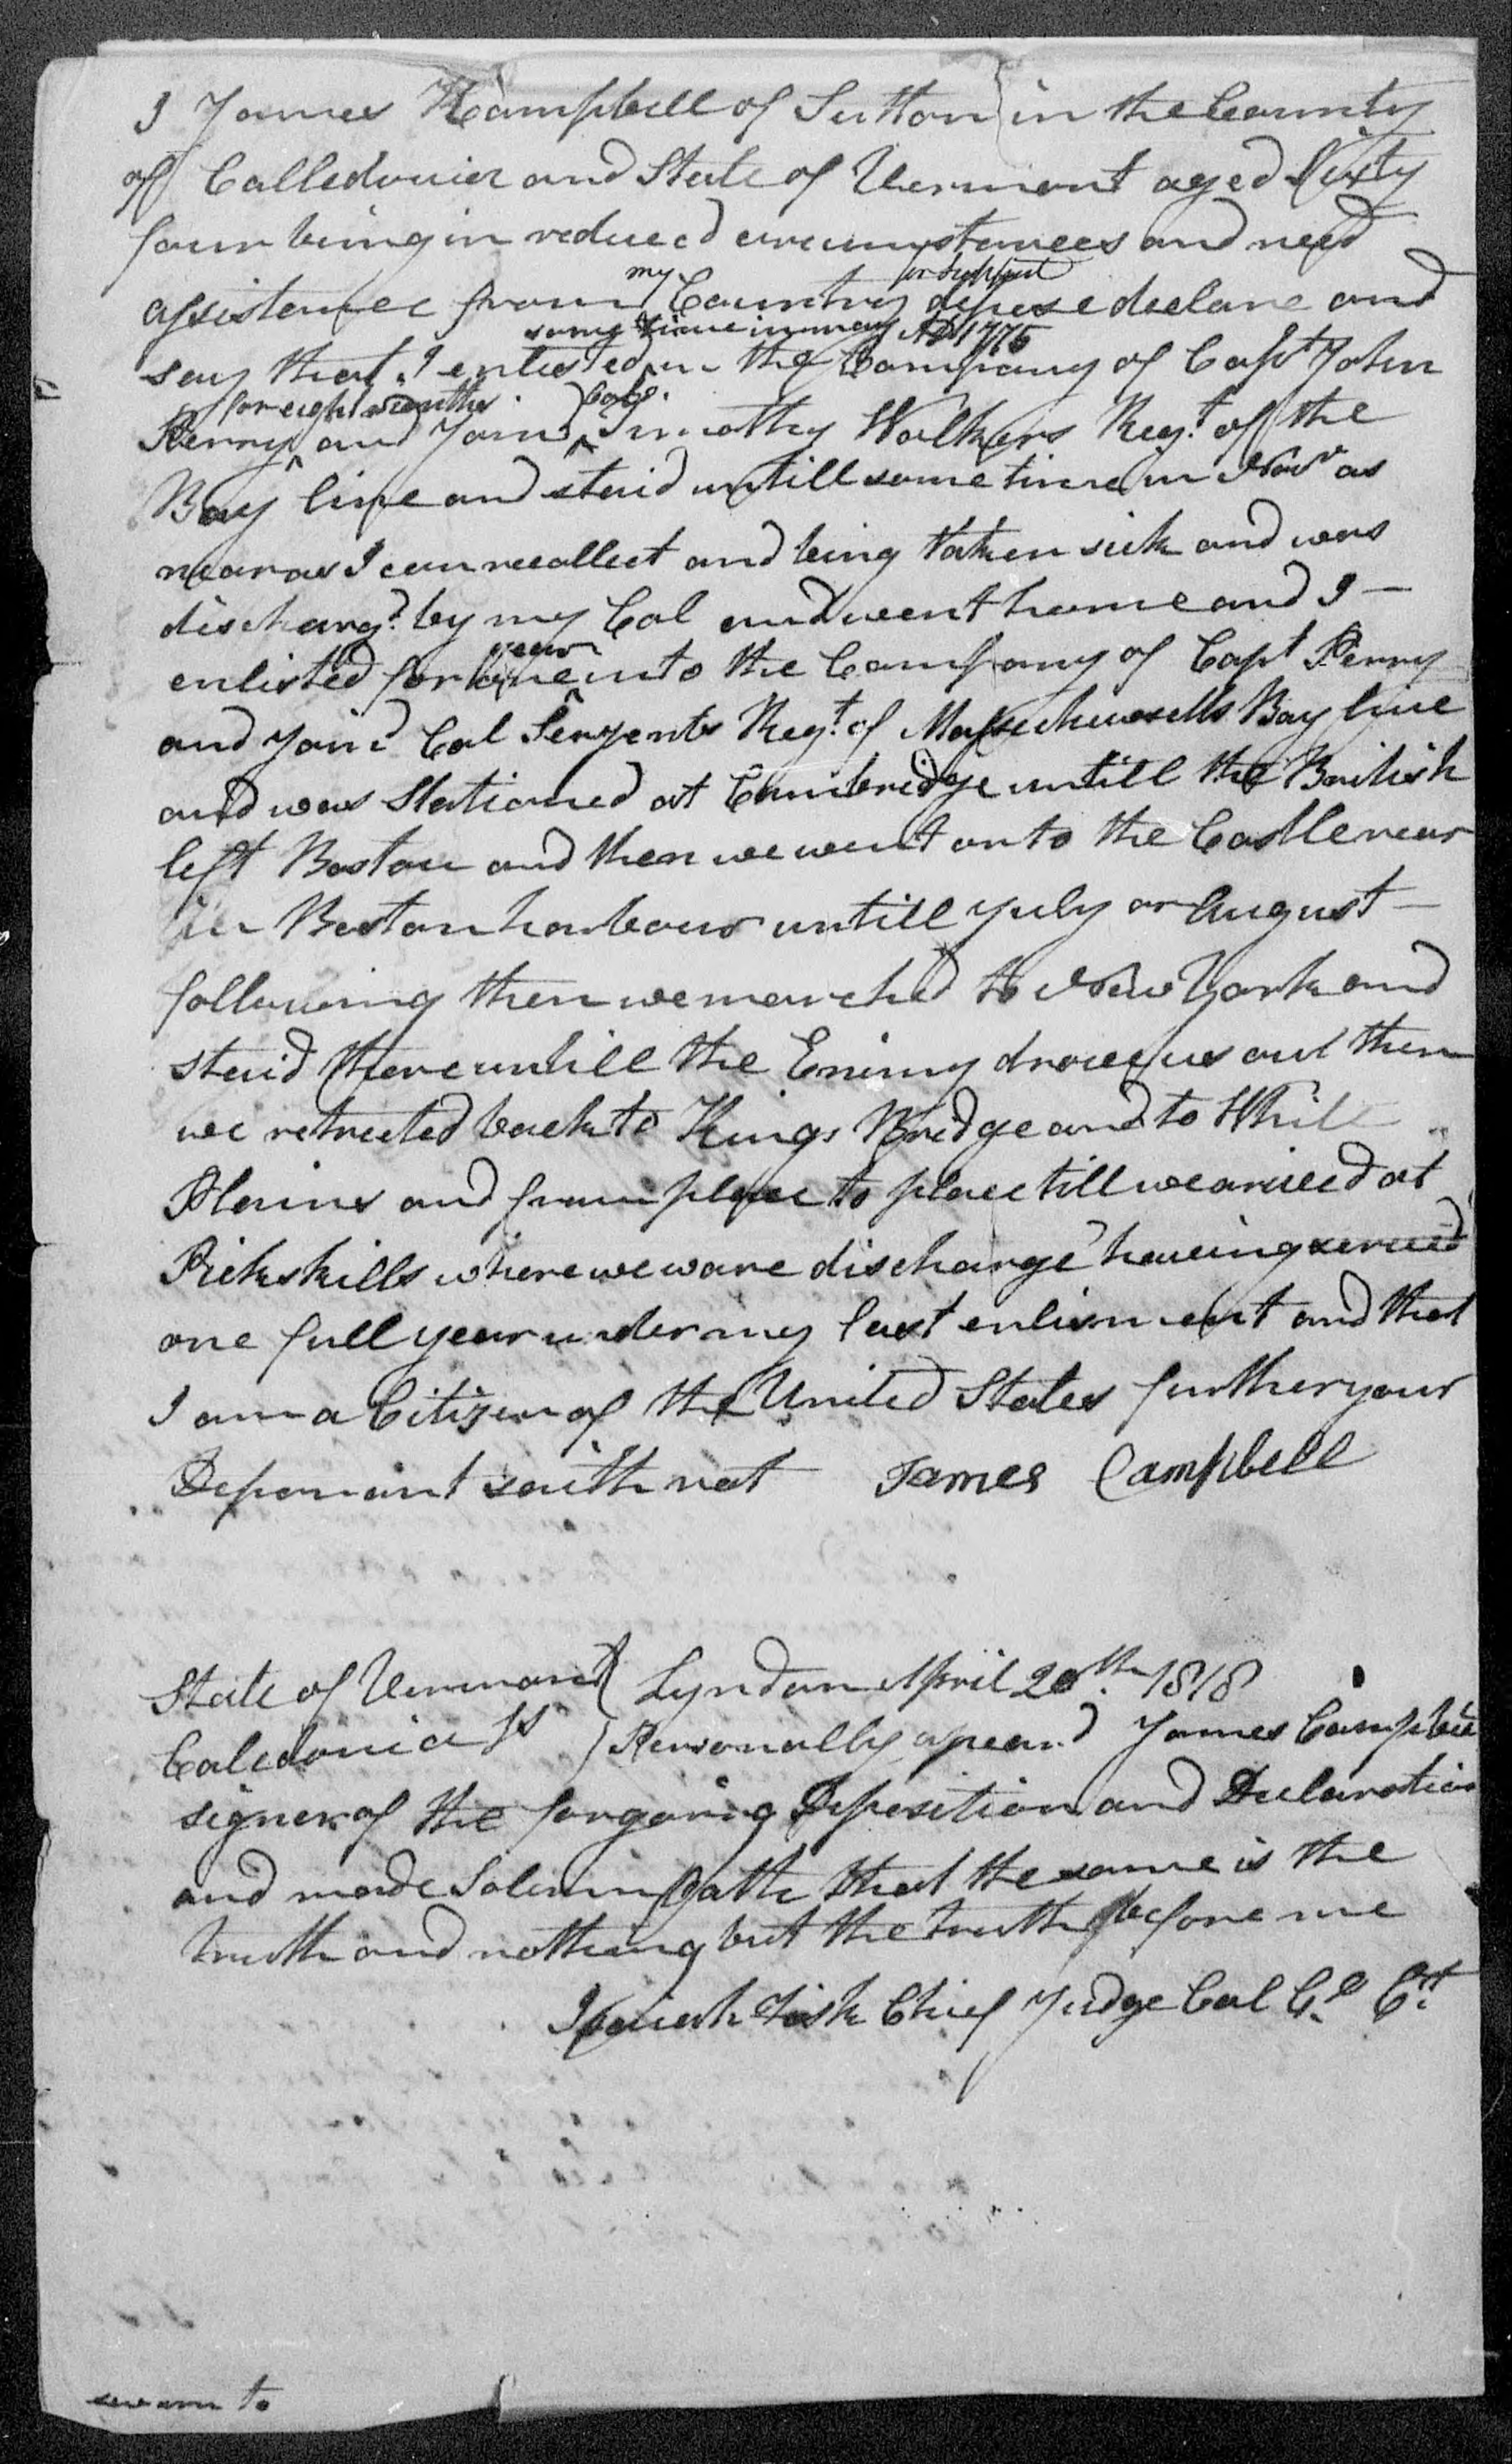I James Campbell of Sutton in the County
of Calledonia (Caledonia?) and State of Vermont aged Sixty four being in reduced circumstances and need of assistance from my Country for support depose declare and say that, I enlisted sometime in may AD 1775 in the Company of Capt. John Perry for eight months and Capt. Timothy Walkers Regt. of the Bay line and staid (stayed?) untill (until?) some time in Novr. as near as I can recollect and being taken sick and was discharged by my Col and went home and I enlisted for one year into the Company of Capt. Perry and joined Col Sargents Regt of Massachusetts Bay line and was Stationed at Cambridge untill (until?) the British left Boston harbour untill (until?) July or August - following then we marched to New York and staid (stayed?) there untill (until?) the Enemy drove us out then we retreated back to Kings Bridge and to White Plains and from place to place till we arrived at Pickskills (Peekskill?) where we were discharged having served one full year under my last enlistment and that I am a Citizen of the United States further your Deponent saith not
James Campbell

State of Vermont}
Caledonia ss}
 Lyndon April 20th 1818
Personally appeared James Campbell
signer of the forgoing deposition and Declaration and made Solemn Oath that the same is the truth and nothing but the truth before me
Isaiah Fisk Chief Judge Cal Co. Ct.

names: James Campbell, Isaiah Fisk, James Campbell, James Campbell, John Perry, Perry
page: 4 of 67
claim: widow's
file: W. 23772, James Campbell, Continental Mass.